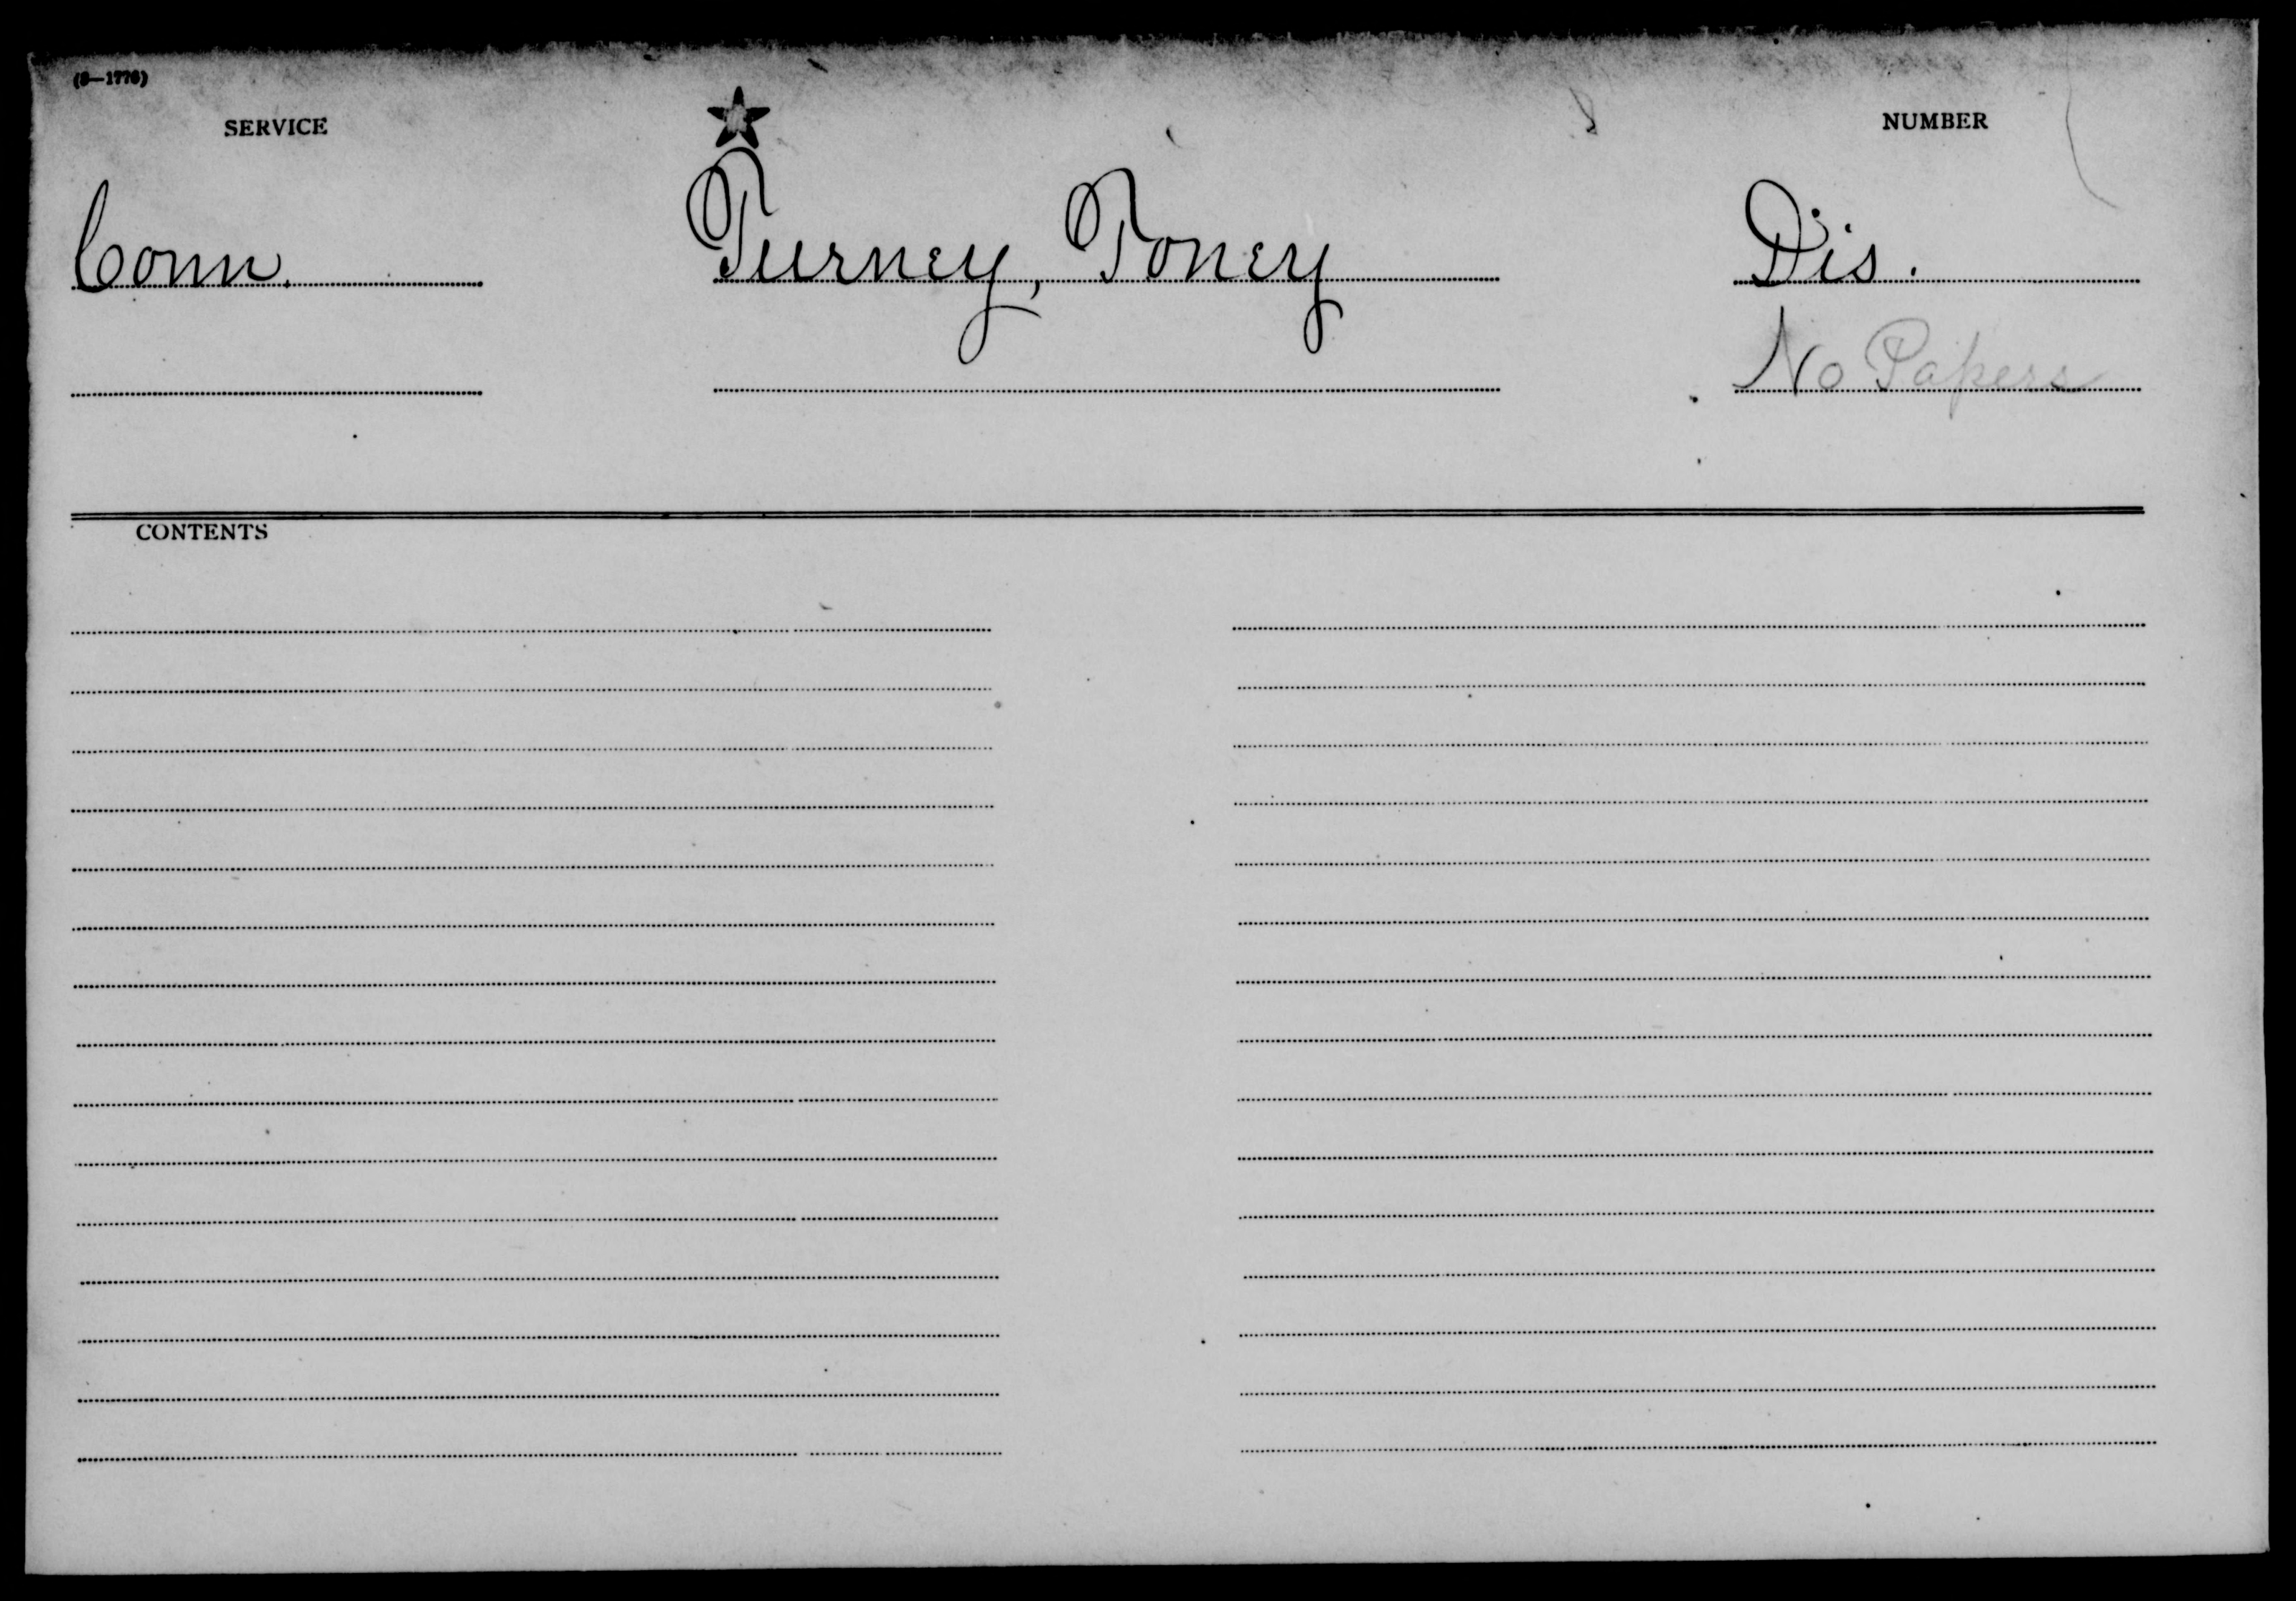(3--1776)

SERVICE
Conn.

Turney, Toney

NUMBER
Dis.
No Papers
-----------------------------------------------------
CONTENTS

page: 1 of 5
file: [BLANK], Toney Turney, Conn.